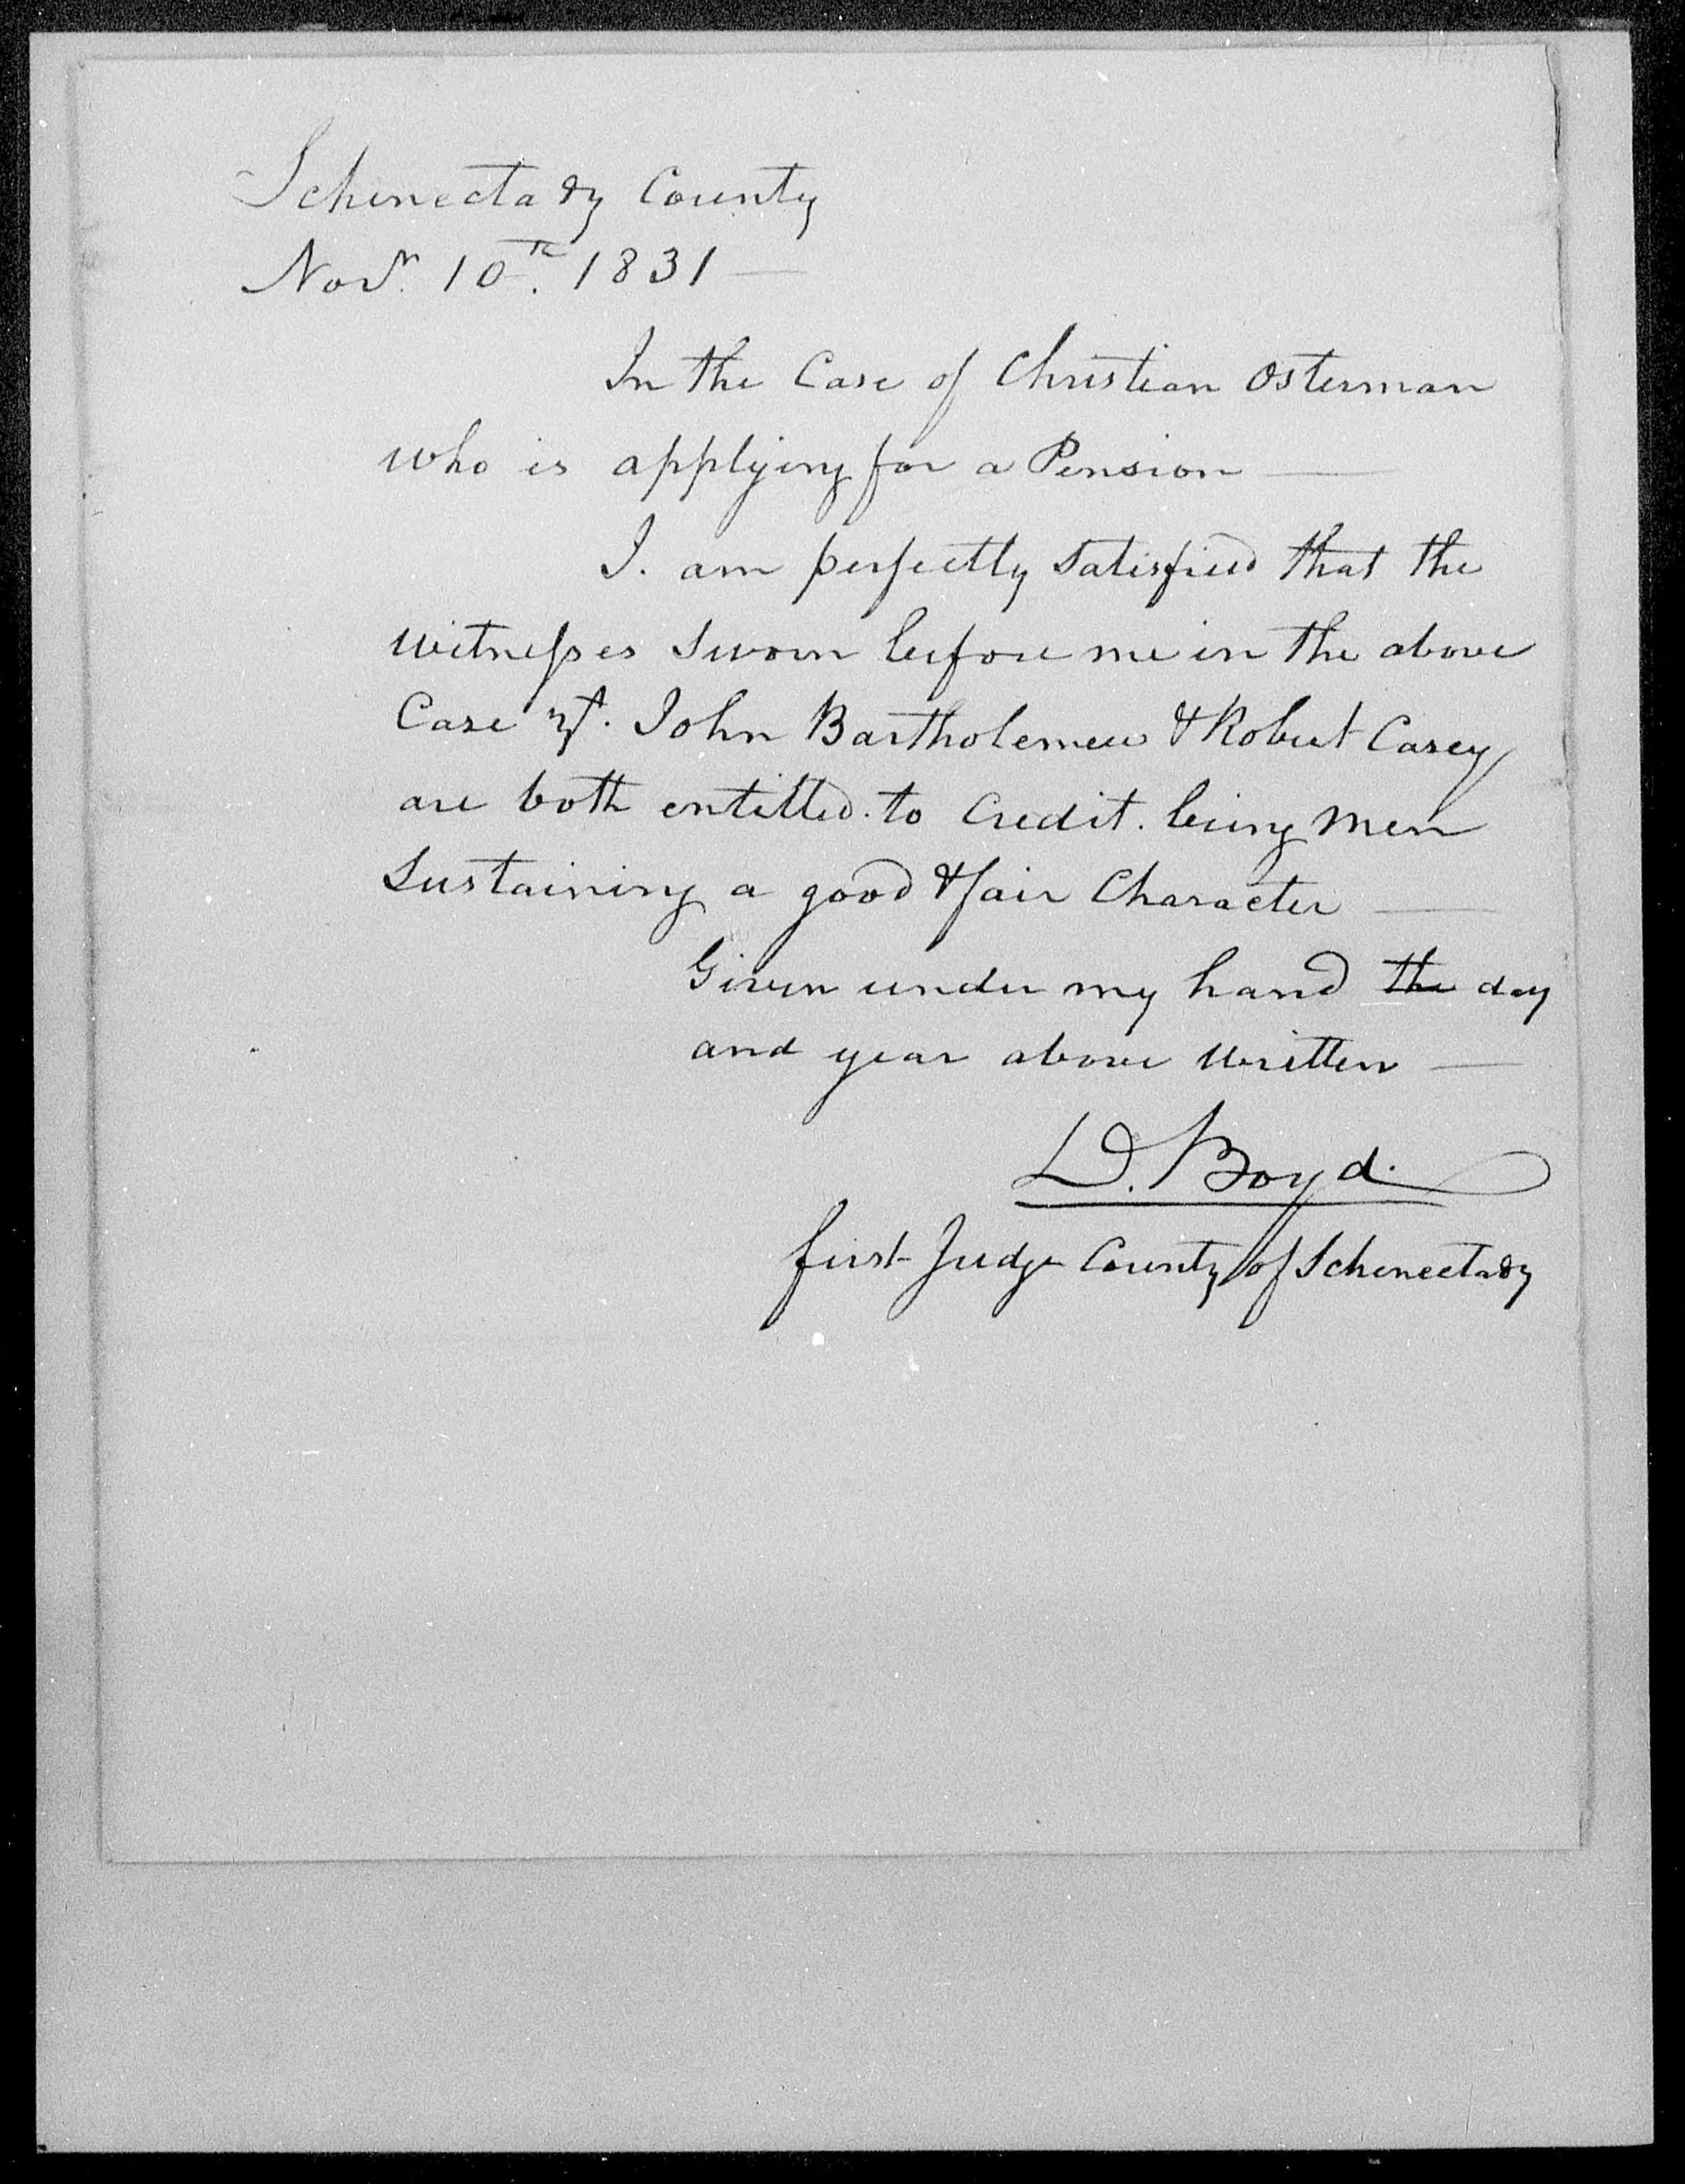Schenectady County 
Nov 10th 1831
In the case of Christian who is applying for a pension
I am perfectly satisfied that the witnesses sworn before me in the above case rt. John Bartholomew and Robert Casey are both entitled to credit being men sustaining a good & fair character. 
Given under my hand the day and year above written. 
D.Boyd
first Judge county of Schenectady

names: John Bartholemew; Robert Casey; D Boyd; Christian Osterman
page: 15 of 40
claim: widow's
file: W. 21876, for Christian Osterman, New York